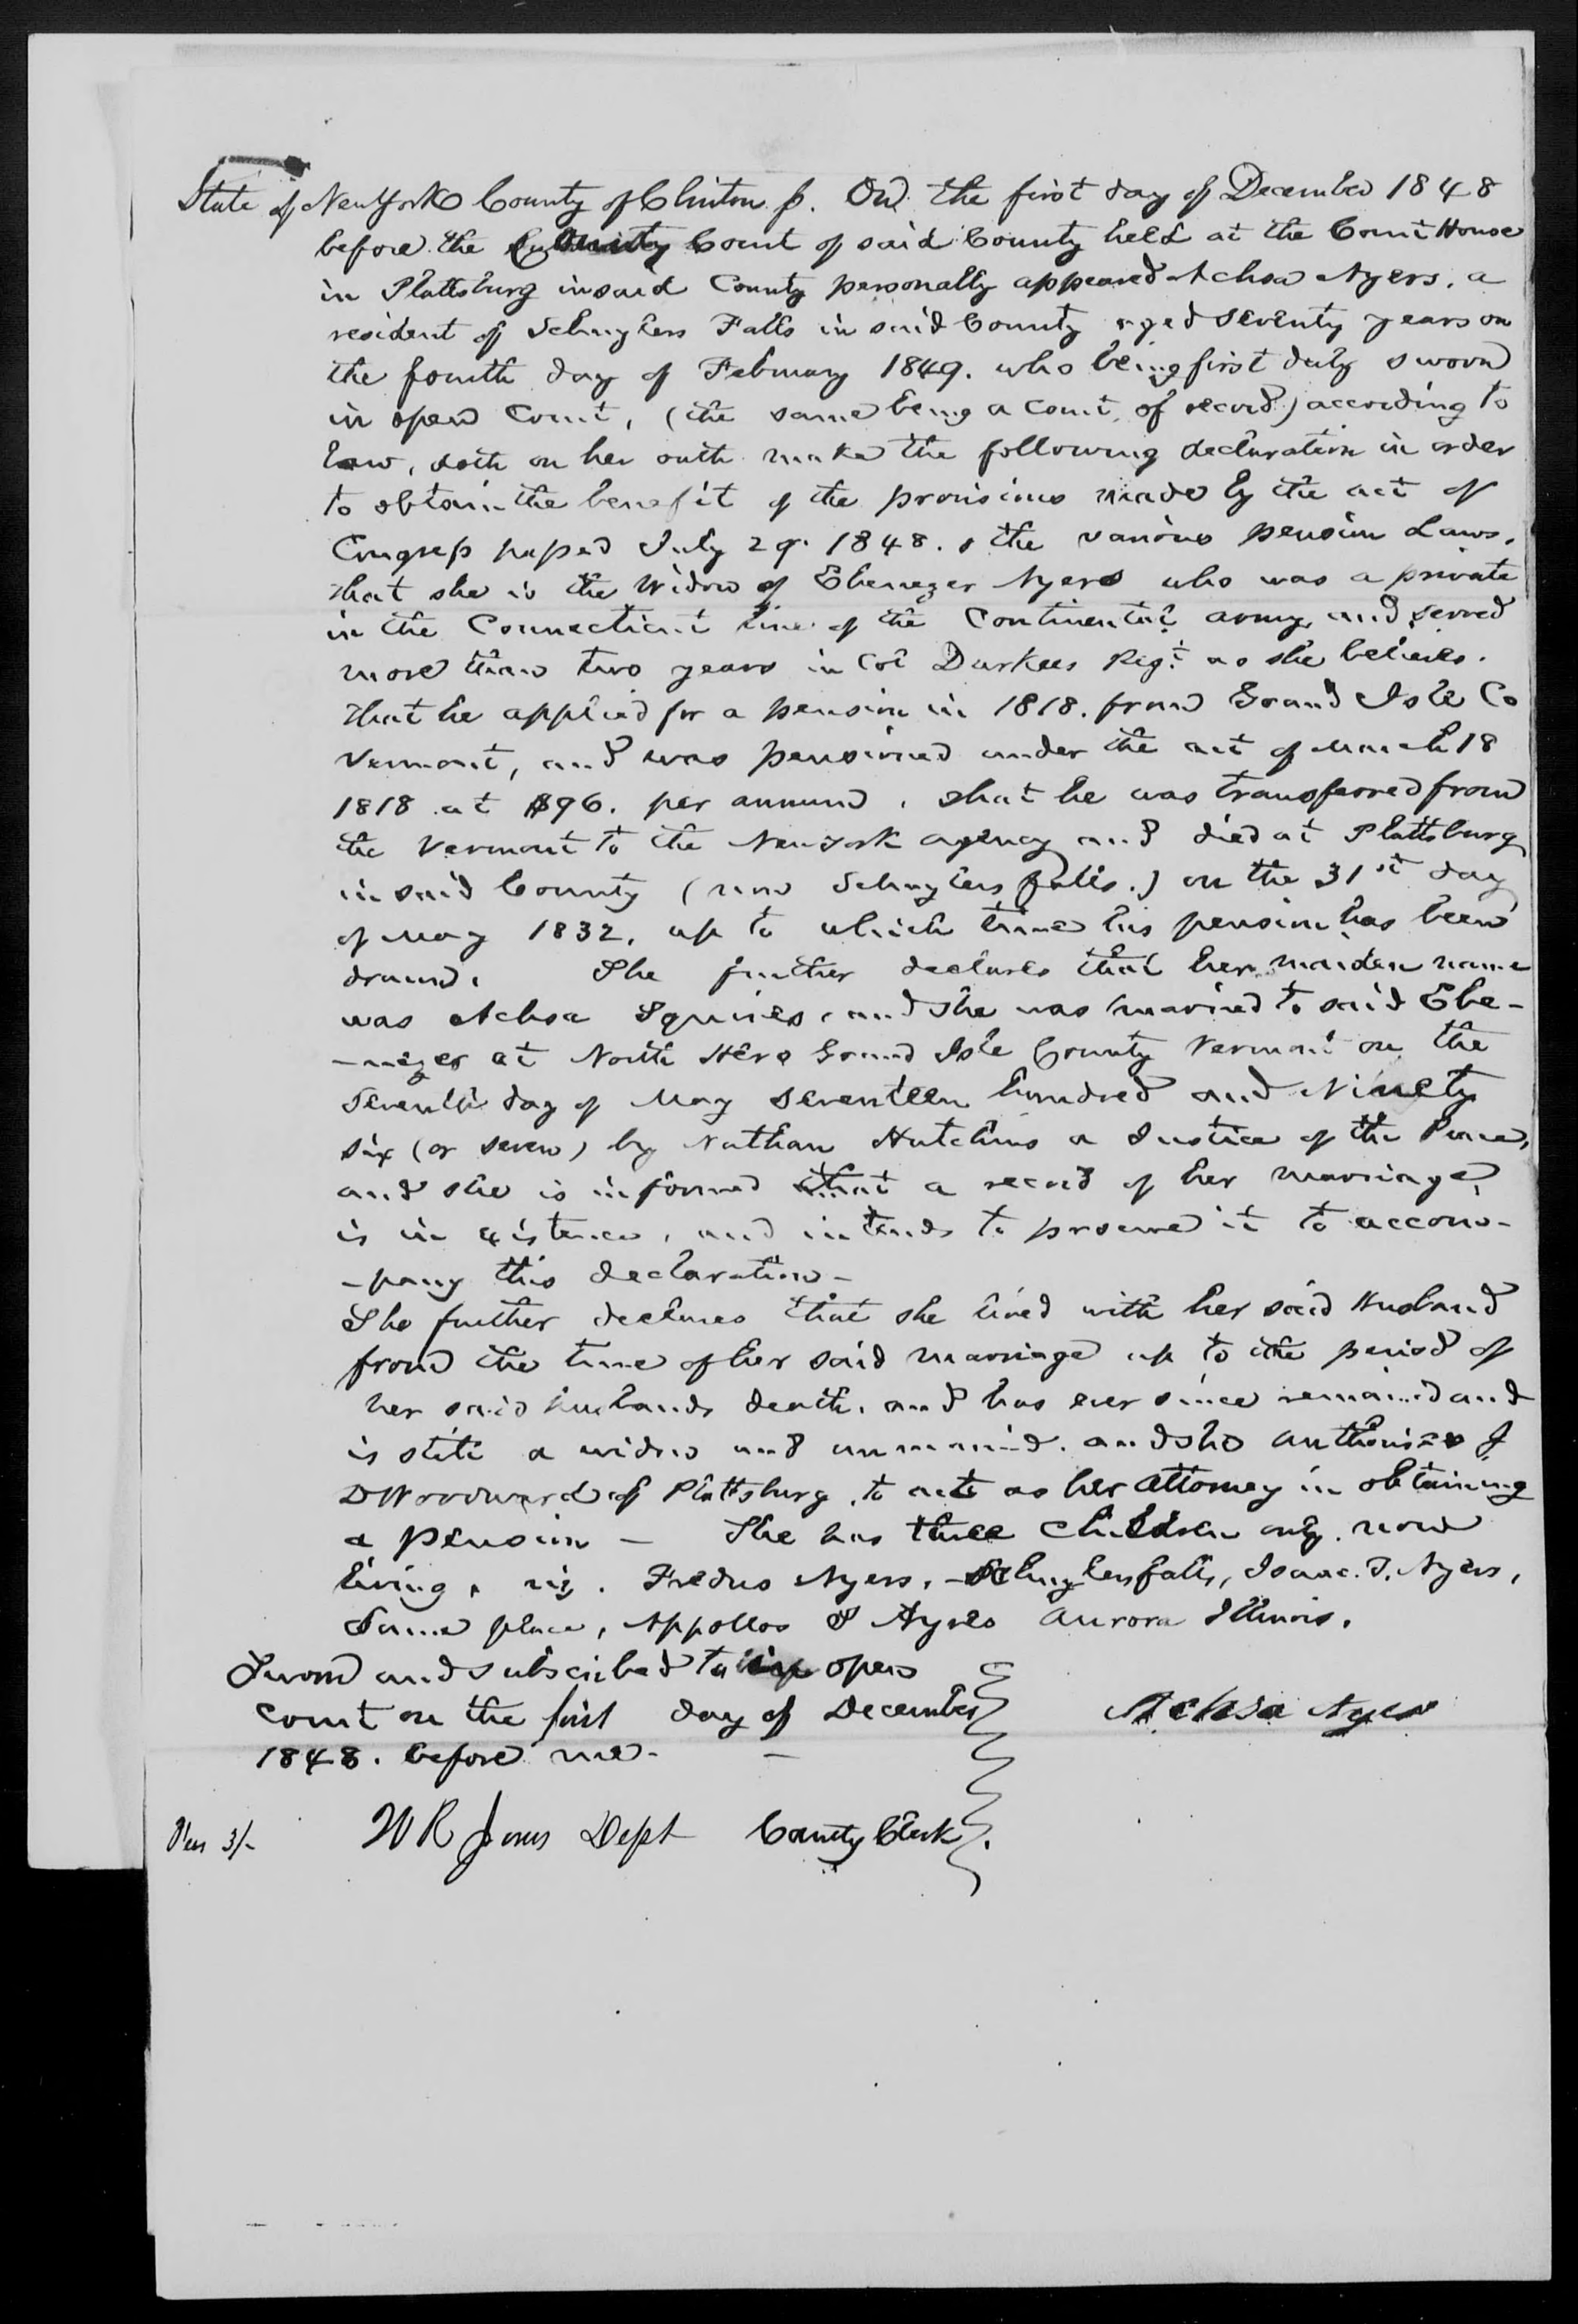State of New York
County of Clinton ss.
On the first day of December 1848 before the County Court of said County held at the Court House in Plattsburg in said County personally appeared Achsa Ayers, a resident of Schuylers Falls in said County aged seventy years on the fourth day of February 1849, who being first duly sworn in open Court, (the same being a Court of records) according to law, doth on her oath make the following declaration in order to obtain the benefit of the provisions made by the act of Congress passed July 19, 1848 & the various pension laws that she is the widow of Ebenezer Ayers who was a private in the Connecticut line of the Continental army and served more than two years in Col Durkees Regt. so she believes.  That he applied for a pension in 1818 from Grand Isle Co Vermont, and was pensioned under the act of March 18, 1818 at $96 per annum.  That he was transferred from the Vermont to the New York agency and died at Plattsburg in said County (near Schuylers Falls) on the 31st day of May 1832, up to which time his pension has been drawn.  She further declares that her maiden name was Achsa Squires and she was married to said Ebenezer at North Hero Grand Isle County Vermont on the seventh day of May seventeen hundred and ninety six (or seven) by Nathan Hutchins a Justice of the Peace, and she is informed that a record of her marriage is in existence, and intends to procure it to accompany this declaration.
She further declares that she lived with her said husband from the time of her said marriage up to the period of her said husbands death, and has ever since remained and is still a widow and unmarried and Anthonie J. D. Woodward of Plattsburg to act as her attorney in obtaining a pension - She has three children only now living , viz. Fredus Ayers, Schuyler Falls, Isaac T. Ayers, same place, Appollos S Ayers, Aurora Illinois. 
Achsa Ayers
Sworn and subscribed to in open court}
on the first day of December 1848, before me}
W R Jones Dept County Clerk}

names: Achsa Ayer, W R Jones, Ebenezer Ayers, Achsa Ayers, Nathan Hutchins, Achsa Squires, Ebenezer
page: 14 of 50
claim: widow's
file: W. 8559, Ebenezer Ayer, Continental (Conn)